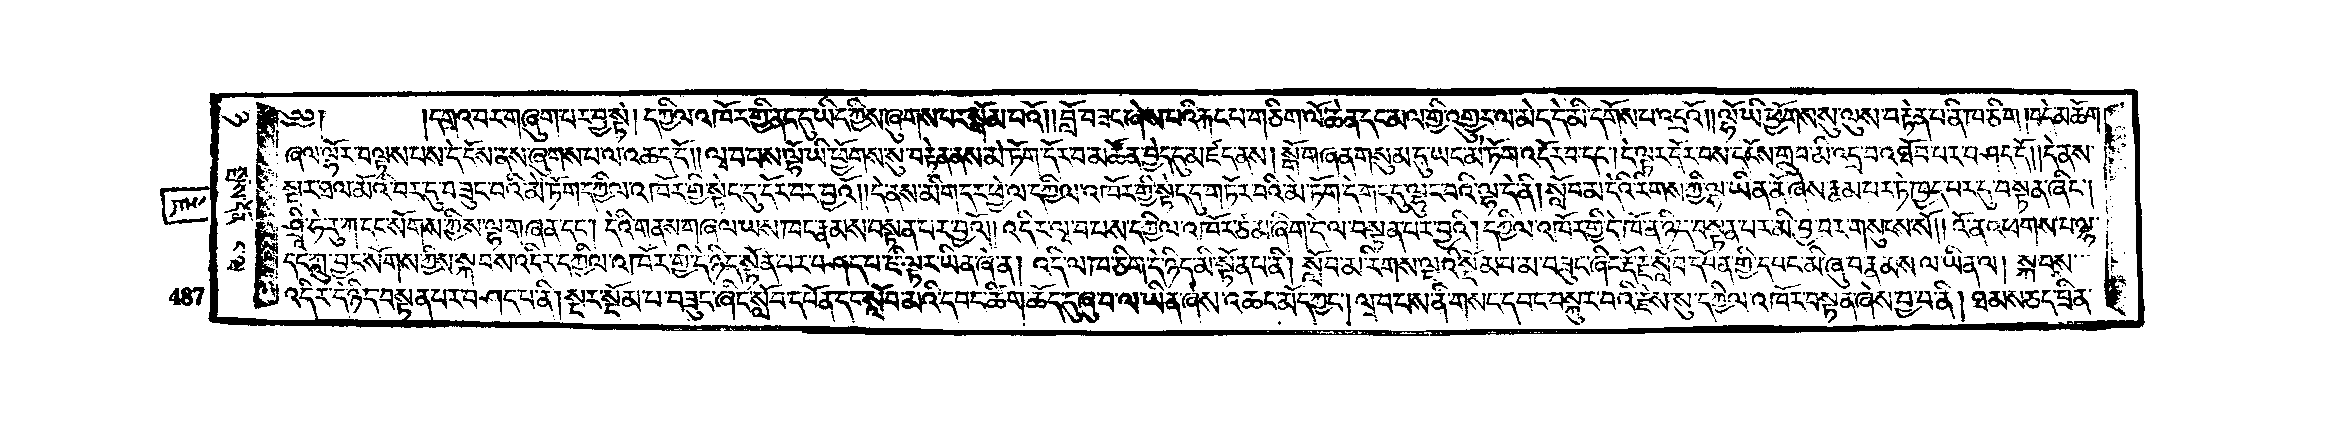༄༅། །དགའ་བར་གཞུག་པར་བྱ་སྟེ། དཀྱིལ་འཁོར་གྱི་ནང་དུ་ཡིད་ཀྱིས་ཞུགས་པར་སྒོམ་པའོ། །བློ་བཟང་ཞེས་པའི་རྐང་པ་གཅིག་ལོ་ཆེན་དང་མལ་གྱི་འགྱུར་ལ་མེད་དེ་མི་དགོས་པ་འདྲའོ། །ལྷོ་ཡི་ཕྱོགས་སུ་ལུས་བརྟེན་པ་ནི་ཁ་ཅིག །བདེ་མཆོག་
ཞལ་ལྷོར་བལྟས་པས་དེ་ངོས་ནས་ཞུགས་པ་ལ་འཆད་དོ། །ལྭ་བ་པས་ལྷོ་ཡི་ཕྱོགས་སུ་བརྟེན་ནས་མེ་ཏོག་དོར་བ་མཚོན་བྱེད་དུ་མཛད་ནས། སྒོ་གཞན་གསུམ་དུ་ཡང་མེ་ཏོག་འདོར་བ་དང་། དེ་ལྟར་དོར་བས་དངོས་གྲུབ་མི་འདྲ་བ་འཐོབ་པར་བཤད་དོ། །དེ་ནས་
སྔར་ཐལ་མོའི་བར་དུ་བཟུང་བའི་མེ་ཏོག་དཀྱིལ་འཁོར་གྱི་སྟེང་དུ་དོར་བར་བྱའོ། །དེ་ནས་མིག་དར་ཕྱེ་ལ་དཀྱིལ་འཁོར་གྱི་སྟེང་དུ་གཏོར་བའི་མེ་ཏོག་དེ་གང་དུ་ལྷུང་བའི་ལྷ་དེ་ནི། སློབ་མ་དེའི་རིགས་ཀྱི་ལྷ་ཡིན་ནོ་ཞེས་རྣམ་པར་ཏེ་ཁྱད་པར་དུ་བསྟན་ཞིང་།
ཤྲཱི་ཧེ་རུ་ཀ་དང་སོགས་ཀྱིས་ལྷ་གཞན་དང་། དེའི་གནས་གཞལ་ཡས་ཁང་རྣམས་བསྟན་པར་བྱའོ། །འདིར་ལྭ་བ་པས་དཀྱིལ་འཁོར་ཙམ་ཞིག་དེ་ལ་བསྟན་པར་བྱའི། དཀྱིལ་འཁོར་གྱི་དེ་ཁོ་ན་ཉིད་བསྟན་པར་མི་བྱ་བར་གསུངས་སོ། །འོ་ན་འཕགས་པ་ལྷ་
དང་ཀླུ་བྱང་སོགས་ཀྱིས་སྐབས་འདིར་དཀྱིལ་འཁོར་གྱི་དེ་ཉིད་སྟོན་པར་བཤད་པ་ཇི་ལྟར་ཡིན་ཞེ་ན། འདི་ལ་ཁ་ཅིག་དེ་ཉིད་མི་སྟོན་པ་ནི། སློབ་མ་རིགས་ལྔའི་སྡོམ་པ་མ་བཟུང་ཞིང་རྡོ་རྗེ་སློབ་དཔོན་གྱི་དབང་མི་ཞུ་བ་རྣམས་ལ་ཡིན་ལ། སྐབས་
འདིར་དེ་ཉིད་བསྟན་པར་བཤད་པ་ནི། སྔར་སྔོམ་པ་བཟུང་ཞིང་སློབ་དཔོན་དང་སློབ་མའི་དབང་ཚིག་ཆོད་དུ་ཞུ་བ་ལ་ཡིན་ཞེས་འཆད་མོད་ཀྱང་།ལྭ་བ་པས་ནི་གསང་དབང་བསྐུར་བའི་རྗེས་སུ་དཀྱིལ་འཁོར་བསྟན་ཞེས་བྱ་བ་ནི། ཐམས་ཅད་ཟིན་